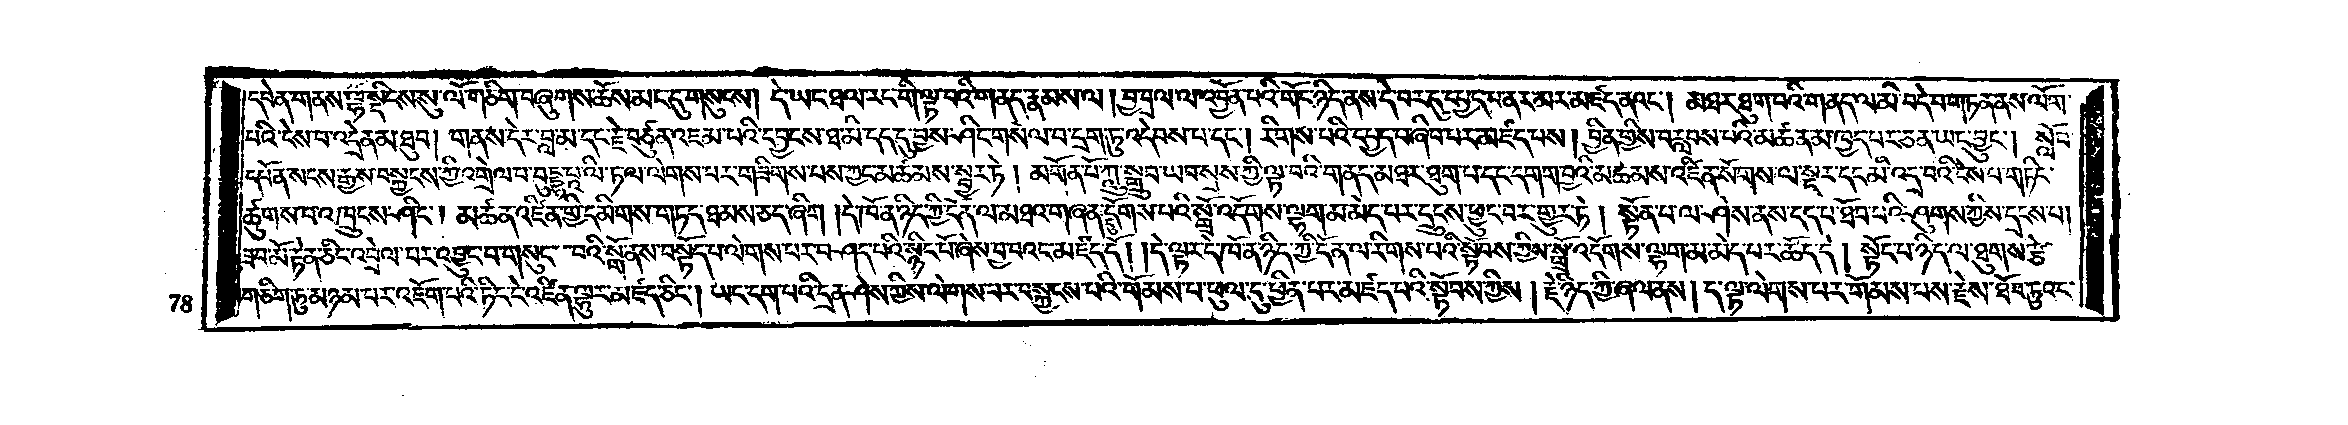དབེན་གནས་ལྷ་སྡིངས་སུ་ལོ་གཅིག་བཞུགས་ཆོས་མང་དུ་གསུངས། དེ་ཡང་ཐལ་རང་གི་ལྟ་བའི་གནད་རྣམས་ལ། བྱ་བྲལ་ལ་འབྱོན་པའི་གོང་ཉིད་ནས་དེ་བར་དུ་དཔྱད་པ་ནར་མར་མཛད་ནའང་། མཐར་ཐུག་པའི་གནད་ལ་མི་བདེ་བ་གཏན་ནས་ལོག་
པའི་ངེས་པ་འདྲེན་མ་ཐུབ། གནས་དེར་བླ་མ་དང་རྗེ་བཙུན་འཇམ་པའི་དབྱངས་ཐ་མི་དད་དུ་བྱས་ཤིང་གསེལ་བ་དྲག་ཏུ་འདེབས་པ་དང་། རིགས་པའི་དཔྱད་པ་ཞིབ་པར་མཛད་པས། བྱིན་གྱིས་བརླབས་པའི་མཚན་མ་ཁྱད་པར་ཅན་ཡང་བྱུང་། སློབ་
དཔོན་སངས་རྒྱས་བསྐྱངས་ཀྱི་འགྲེལ་པ་བུདྡྷ་པཱ་ལི་ཏ་ལ་ལེགས་པར་གཟིགས་པས་ཀྱང་མཚམས་སྦྱར་ཏེ། མགོན་པོ་ཀླུ་སྒྲུབ་ཡབ་སྲས་ཀྱི་ལྟ་བའི་གནད་མཐར་ཐུག་པ་དང་དགག་བྱའི་མཚམས་འཛིན་སོགས་ལ་སྔར་དང་མི་འདྲ་བའི་ངེས་པ་གཏིང་
ཚུགས་པ་འཁྲུངས་ཤིང་། མཚན་འཛིན་གྱི་དམིགས་གཏད་ཐམས་ཅད་ཞིག །དེ་ཁོ་ན་ཉིད་ཀྱི་དོན་ལ་མཐའ་གཞན་དུ་དོགས་པའི་སྒྲོ་འདོགས་ལྷག་མ་མེད་པར་དྲུངས་ཕྱུང་བར་གྱུར་ཏེ། སྟོན་པ་ལ་ཤེས་ནས་དད་པ་ཐོབ་པའི་ཤུགས་ཀྱིས་དྲངས་པ།
ཟབ་མོ་རྟེན་ཅིང་འབྲེལ་པར་འབྱུང་བ་གསུང་བའི་སྒོ་ནས་བསྟོད་པ་ལེགས་པར་བཤད་པའི་སྙིང་པོ་ཞེས་བྱ་བའང་མཛད་དོ། །དེ་ལྟར་དེ་ཁོ་ན་ཉིད་ཀྱི་དོན་ལ་རིགས་པའི་སྟོབས་ཀྱིས་སྒྲོ་འདོགས་ལྷག་མ་མེད་པར་ཆོད་དེ། སྟོང་པ་ཉིད་ལ་ཐུགས་རྩེ་
གཅིག་ཏུ་མཉམ་པར་འཇོག་པའི་ཏིང་ངེ་འཛིན་ལྷུར་མཛད་ཅིང་། ཡང་དག་པའི་དྲན་ཤེས་ཀྱིས་ལེགས་པར་བསྐྱངས་པའི་གོམས་པ་ཕུལ་དུ་ཕྱིན་པར་མཛད་པའི་སྟོབས་ཀྱིས། རྗེ་ཉིད་ཀྱི་ཞལ་ནས། ད་ལྟ་ལེགས་པར་གོམས་པས་རྗེས་ཐོབ་ཏུའང་